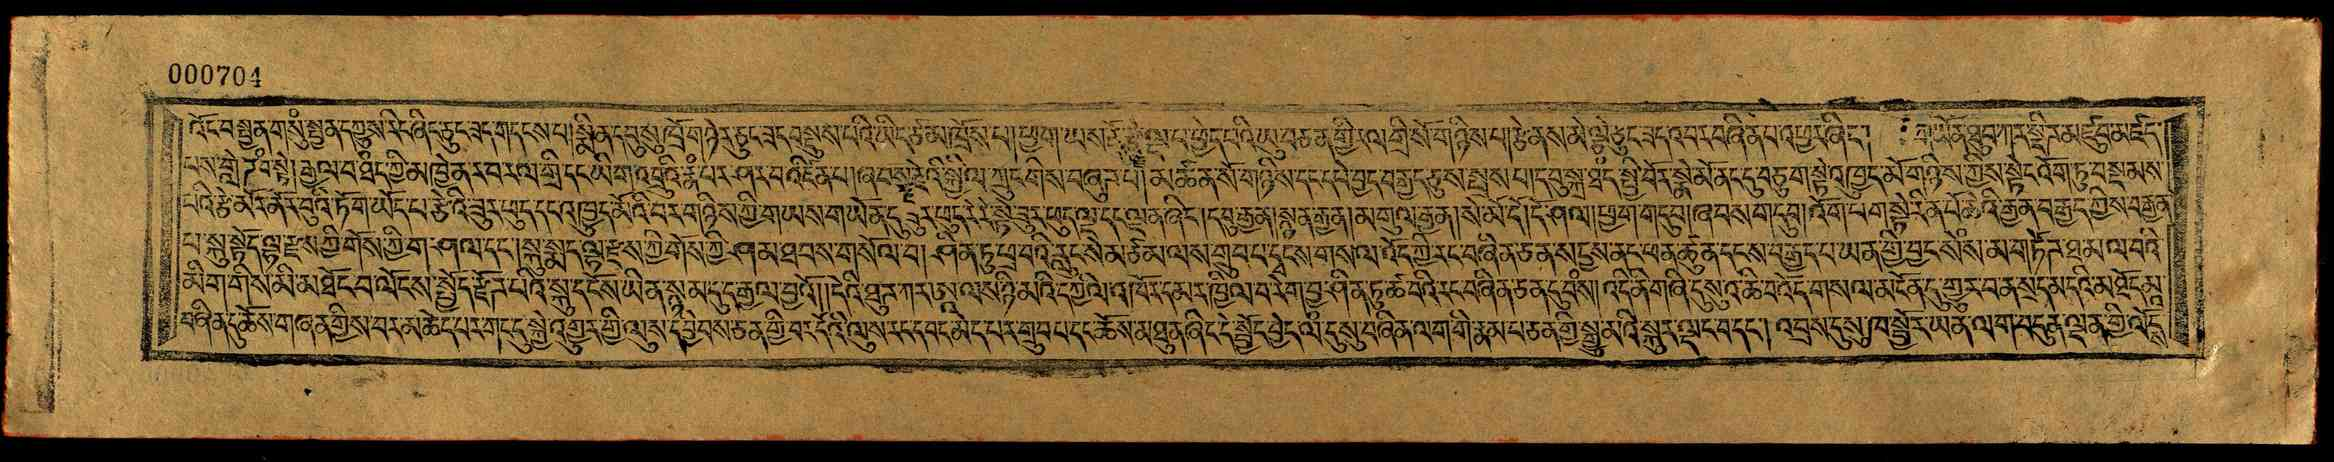འོང་བ་སྤྱན་གསུཾ་སྤྱན་དཀྱུས་རིང་ཞིང་ཅུང་ཟད་གདངས་པ། སྨིན་དབུས་སུ་ཁྲོ་གཉེར་ཅུང་ཟད་བསྡུས་པའི་ཡིད་ཙམ་ཁྲོས་པ། ཕྱག་ཡས་རྡོ་རྩེ་ལྔ་པ་ཕྱེད་པའི་ཡུ་བ་ཅན་གྱི་རལ་གྲི་སོ་གཉིས་པ། རྩེ་ནས་མེ་ལྕེ་ཅུང་ཟད་འབར་བཞིན་པ་འཕྱར་ཞིང་། གཡོན་ཐུགས་ཀར་སྡིགས་མཛུབ་མཛད་
པས་གླེགས་བཾ་སྟེ། རྒྱལ་བ་ཐམས་ཅད་ཀྱི་མཁྱེན་རབ་རལ་གྲི་དང་ཡིག་འབྲུའི་རྣི་པར་ཤར་བ་འཛིན་པ། ཞབས་རྡོའི་སྐྱིལ་ཀྲུང་གིས་བཞུགས་པ། མཚན་སོ་གཉིས་དང་དཔེ་བྱད་བརྒྱད་ཅུས་སྤྲས་པ། དབུ་སྐྲ་ཐམས་ཅད་སྤྱི་བོར་སྣེ་མོ་ནང་དུ་བཅུག་སྟེ་འཁྱུད་མོ་གཉིས་ཀྱིས་སྟེད་འོག་ཏུ་བསྡམས་
པའི་རྩེ་མོར་ནོར་བུའི་ཏོག་ཡོད་པ་རྩེའི་ཟུར་ཕུད་དང་འཁྱུད་མོའི་བར་གཉིས་ཀྱི་གཡས་གཡོན་དུ་ཟུར་ཕུད་རིང་སྟེ་ཟུར་ཕུད་ལྔ་དང་ལྡན་ཞིང་། དབུ་རྒྱན། སྙན་རྒྱན། མགུལ་རྒྱན། སེ་མོ་དོ། དོ་ཤལ། ཕྱག་གདུབ། ཞབས་གདུག་འོག་པག་སྟེ་རིན་པོ་ཆེའི་རྒྱན་བརྒྱད་ཀྱིས་བརྒྱན་
པ་སྐུ་སྟོད་ལྷ་རྫས་ཀྱི་གོས་ཀྱི་ག་ཤལ་དང་། སྐུ་སྨད་ལྷ་རྫས་ཀྱི་གོས་ཀྱི་ཤམ་ཐབས་གསོལ་བ། ཤིན་ཏུ་ཕྲ་བའི་རླུང་སེམས་ཙམ་ལས་གྲུབ་པས་དྭངས་གསལ་འོད་ཀྱི་རང་བཞིན་ཅན་སངས་རྒྱས་ནང་ཕན་ཚུན་དང་ས་བརྒྱད་པ་ཡན་གྱི་བྱང་སེམས་མ་གཏོགས་ཐ་མལ་བའི་
མིག་གིས་མི་མཐོང་བ་ལོངས་སྤྱོད་རྫོབ་པའི་སྐུ་དངོས་ཡིན་སྙམ་དུང་རྒྱལ་བྱའོ། །དེའི་ཐུགས་ཀར་ཨའྲ་ལས་ཉི་མའི་དཀྱིལ་འཁོར་དམར་ཁྱིལ་བ་རེག་བྱ་ཤིན་ཏུ་ཚ་བའི་རང་བཞིན་ཅན་དུ་བསཾ། འདི་ནི་གཞི་དུས་སུ་འཆི་བ་འོད་གསལ་མངོན་དུ་གྱུར་པ་ན་སྲང་མདའི་མཐོ་མདའ་
བཞིན་དུ་ཆོས་གཞན་གྱིས་བར་མཆོད་པར་གང་དུ་སྐྱེ་འགྱུར་གྱི་ལུས་དབྱིབས་ཅན་གྱི་བར་དོའི་ལུས་རང་དབང་མེད་པར་གྲུབ་པ་དང་ཆོས་མཐུན་ཞིང་དེ་སྦྱོང་བྱེད་ལཾ་དུས་སུ་བཞིན་ལག་གི་རྣམ་པ་ཅན་གྱི་སྒྱུ་མའི་སྐུར་ལྡང་བ་དང་། འབྲས་དུས་སུ་ཁ་སྦྱོར་ཡན་ལག་བདུན་ལྡན་གྱི་ལོངས་